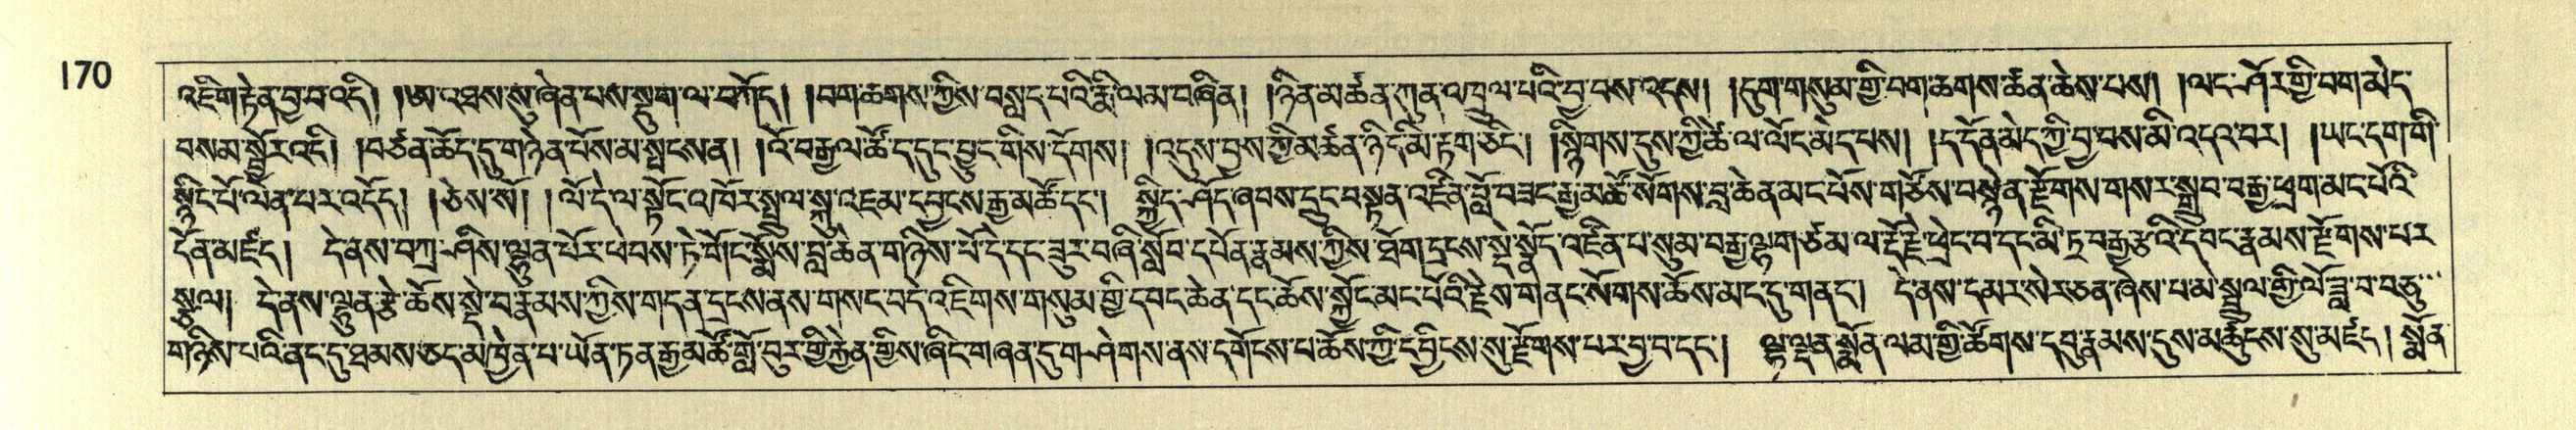འཇིག་རྟེན་བྱ་བ་འདི། །ཨ་འཐས་སུ་ཞེན་པས་སྡུག་ལ་བཀོད། །བག་ཆགས་ཀྱིས་བསླད་པའི་རྨི་ལམ་བཞིན། །ཉིན་མཚན་ཀུན་འཁྲུལ་པའི་བྱ་བས་འདས། །དུག་གསུམ་གྱི་བག་ཆགས་ཚན་ཆེས་པས། །ལང་ཤོར་གྱི་བག་མེད་
བསམ་སྦྱོར་འདི། །བཙན་ཆོད་དུ་གཉེན་པོས་མ་སྤངས་ན། །འོ་བརྒྱལ་ཚོད་དུང་བྱུང་གིས་དོགས། །འདུས་བྱས་ཀྱི་མཚན་ཉིད་མི་རྟག་ཅིང་། །སྙིགས་དུས་ཀྱི་ཚེ་ལ་ལོང་མེད་པས། །ད་དོན་མེད་ཀྱི་བྱ་བས་མི་འདའ་བར། །ཡང་དག་གི་
སྙིང་པོ་ལེན་པར་འདོད། །ཅེས་སོ། །ལོ་དེ་ལ་སྟོང་འཁོར་སྤྲུལ་སྐུ་འཇམ་དབྱངས་རྒྱ་མཚོ་དང་། སྐྱིད་ཤོད་ཞབས་དྲུང་བསྟན་འཛིན་བློ་བཟང་རྒྱ་མཚོ་སོགས་བླ་ཆེན་མང་པོས་གཙོས་བསྙེན་རྫོགས་གསར་སྒྲུབ་བརྒྱ་ཕྲག་མང་པོའི་
དོན་མཛད། དེ་ནས་བཀྲ་ཤིས་ལྷུན་པོར་ཕེབས་ཏེ་གོང་སྨོས་བླ་ཆེན་གཉིས་པོ་དེ་དང་ཟུར་བཞི་སློབ་དཔོན་རྣམས་ཀྱིས་ཐོག་དྲངས་སྡེ་སྣོད་འཛིན་པ་སུམ་བརྒྱ་ལྷག་ཙམ་ལ་རྡོ་རྗེ་ཕྲེང་བ་དང་མི་ཏྲ་བརྒྱ་རྩའི་དབང་རྣམས་རྫོགས་པར་
སྩལ། དེ་ནས་ལྷུན་རྩེ་ཆོས་སྡེ་བ་རྣམས་ཀྱིས་གདན་དྲངས་ནས་གསང་བདེ་འཇིགས་གསུམ་གྱི་དབང་ཆེན་དང་ཆོས་སྐྱོང་མང་པོའི་རྗེས་གནང་སོགས་ཆོས་མང་དུ་གནང་། དེ་ནས་དམར་སེར་ཅན་ཞེས་པ་མེ་སྦྲུལ་གྱི་ལོ་ཟླ་བ་བཅུ་
གཉིས་པའི་ནང་དུ་ཐམས་ཅད་མཁྱེན་པ་ཡོན་ཏན་རྒྱ་མཚོ་གློ་བུར་གྱི་རྐྱེན་གྱིས་ཞིང་གཞན་དུ་གཤེགས་ནས་དགོངས་པ་ཆོས་ཀྱི་དབྱིངས་སུ་རྫོགས་པར་བྱ་བ་དང་། ལྷ་ལྡན་སྨོན་ལམ་གྱི་ཚོགས་དབུ་རྣམས་དུས་མཚུངས་སུ་མཛད། སྨོན་